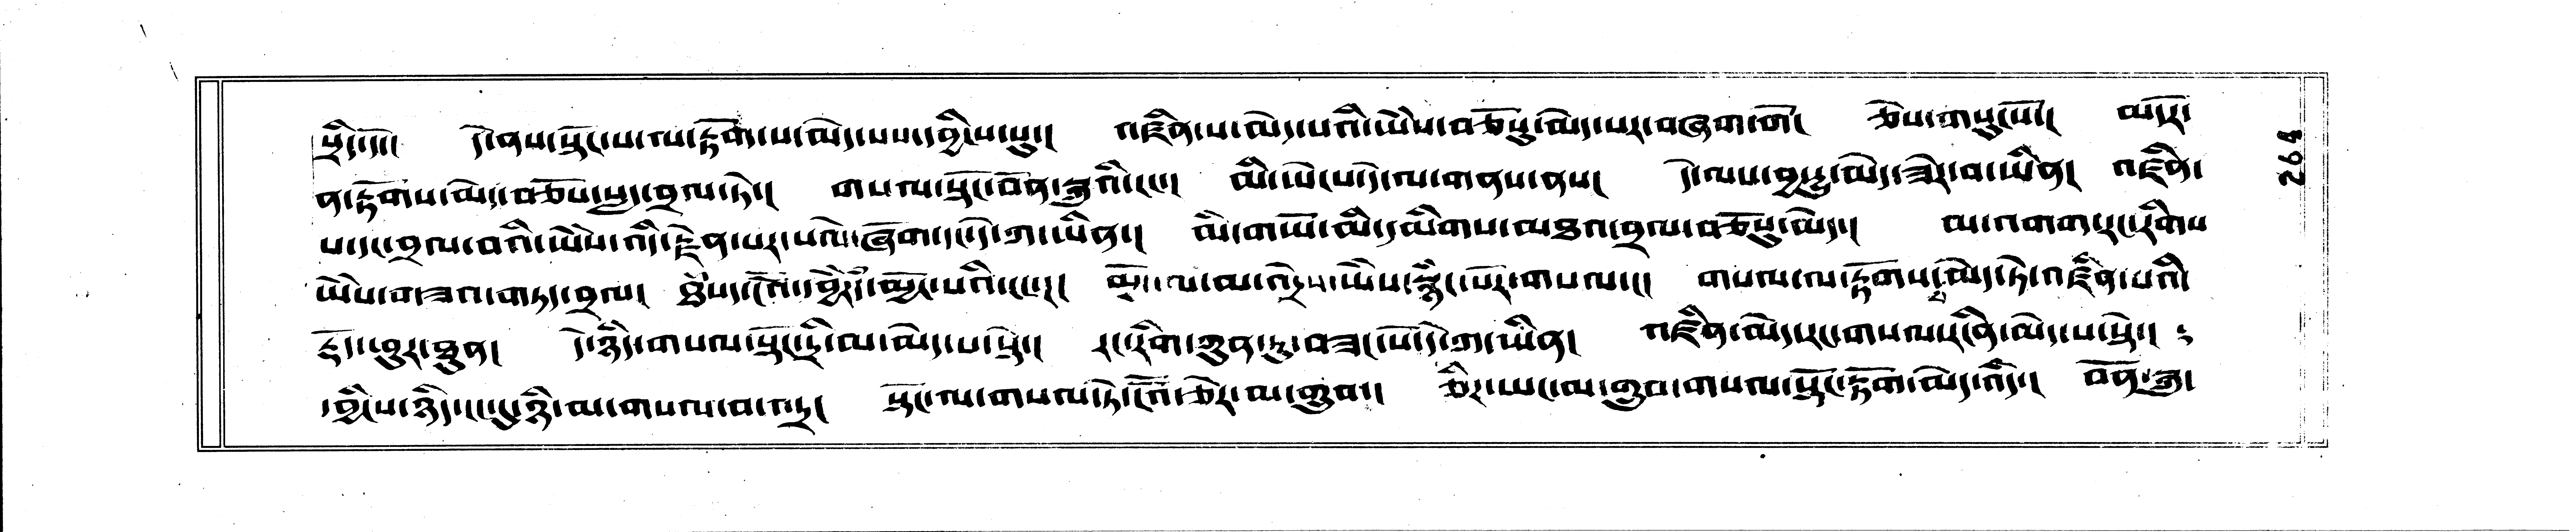སྲིད། དེ་ནས་སྟོང་ལ་རྟོག་པ་མེད་པའི་དབྱིངས་སུ་འཛིན་པ་བྲལ་བའི་ཡེ་ཤེས་བཅོས་སུ་མེད་པར་ཞོག ཅེས་གསུངས། མདོར་
ན་རྟོག་མེད་བཅོས་བསླད་བྲལ་ཏེ་གསལ་སྟོང་བོན་སྐུའི་ངང་། མི་ཡེངས་དོན་ལ་གནས་ན་དེ་ལས་བྱར་རྒྱུ་མེད་ཟེར་བ་ཡིན། འཛིན་
པ་དང་བྲལ་བའི་ཡེ་ཤེས་འདི། རྗེན་པར་སལེ་ཞོག་དང་དེ་ཀ་ཡིན། མི་གཡོ་མི་དམིགས་མཐའ་བྲལ་བཅོས་སུ་མེད། མ་འགགས་རང་རིག་
ཡེ་ཤེས་གཟའ་གཏད་བྲལ། ཐམས་ཅད་ངོའོ་དབྱེར་མེད་མཉམས་པའི་ངང་། མཉམ་ལ་མ་འདྲེས་ཡེ་ཤེས་སྙིང་པོར་གསལ། གསལ་ལ་རྟོག་པ་མེད་པའི་
འཛིན་པའི་བསྟོད་༼རྟོད༽ཕུར་ཐོན། དེ་ཉིད་གསལ་སྟོང་དྲི་མ་མེད་པ་དེ། རང་རིག་ཀུན་ཏུ་བཟང་པོ་དེ་ཀ་ཡིན། འཛིན་མེད་ངང་གསལ་རང་བཞིན་མེད་པ་དེ། 
དབྱིངས་ཉིད་ངང་དུ་དྲི་མ་གསལ་བ་འདྲ། སྟོང་ལ་གསལ་ཏེ་ངོའོ་ཅིར་ཡང་མ་གྲུབ། ཅིར་ཡང་མ་གྲུབ་གསལ་སྟོང་རྟོག་མེད་འདི། བོན་སྐུའི་